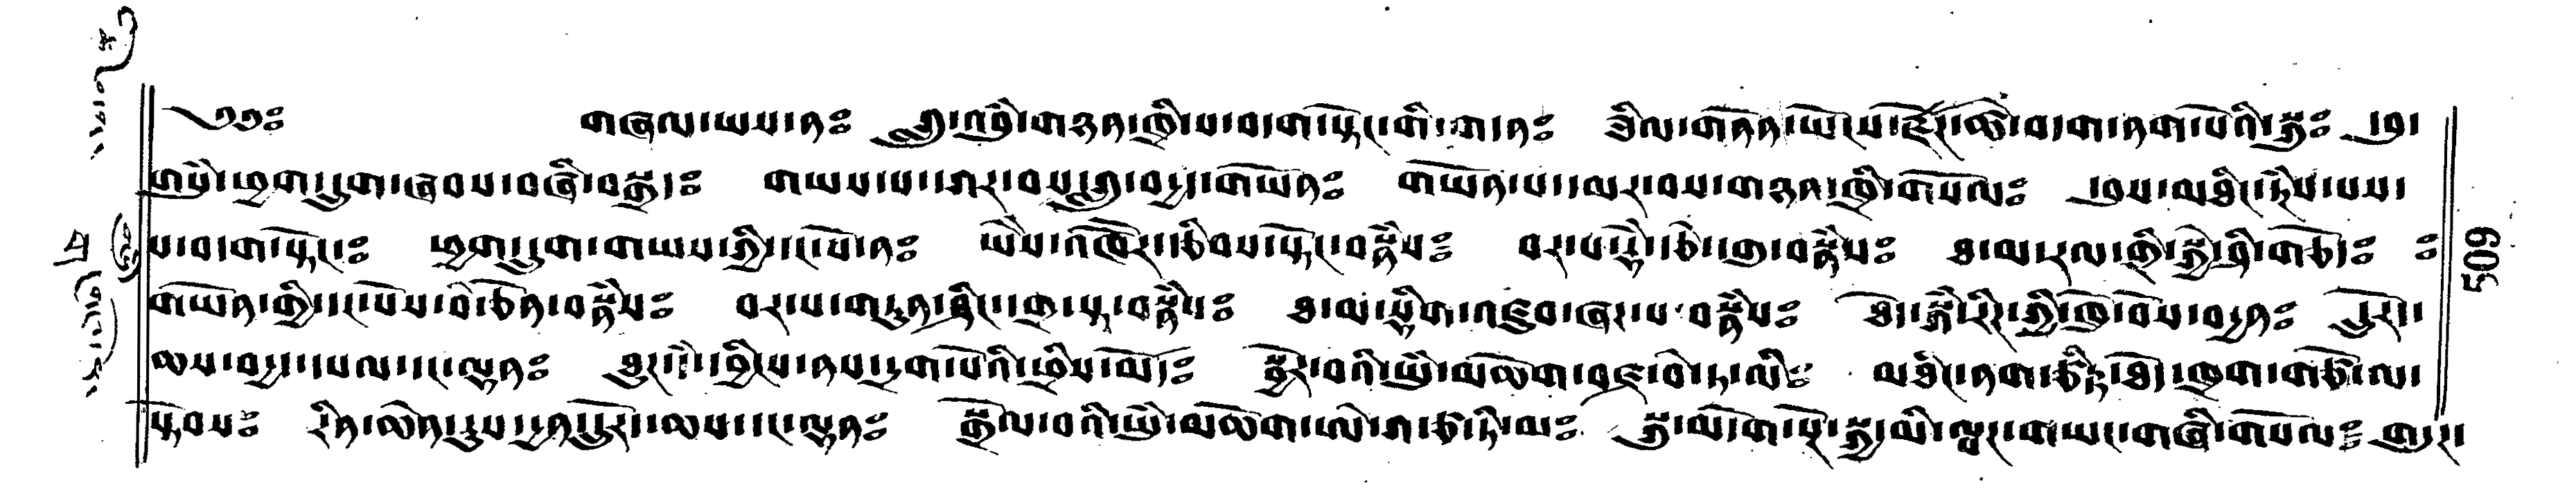གཞལ་ཡས་ན༔ ཀླུ་འབུམ་གཉན་ཁྲི་ས་བདག་སྟོང་གི་གདན༔ ཟིལ་གནོན་ཡོངས་རྫོགས་ཚེ་བདག་ནག་པོའི་སྐུ༔ དབུ་
གསུམ་ཕྱག་དྲུག་ཞབས་བཞི་བསྒྲད༔ གཡས་པ་དཀར་བས་ཀླུ་བརྒྱད་གཡོན༔ གཡོན་པ་དམར་བས་གཉན་ཁྲི་གསོལ༔ དབུས་མཐིང་རྔམ་པས་
ས་བདག་སྟོང༔ ཕྱག་དྲུག་གཡས་ཀྱི་དང་པོ་ན༔ ཡེ་ཤེས་འཁོར་ལོ་རྩིབས་སྟོང་བསྣམས༔ བར་པ་རྡོ་རྗེ་རྩེ་དགུ་བསྣམས༔ ཐ་མ་རལ་གྲིས་སྐྱེ་ཤི་གཅོད༔ 
གཡོན་གྱི་དང་པོས་བེ་ཅོན་བསྣམས༔ བར་པ་གཏུན་ཤིང་དགྲ་སྟ་བསྣམས༔ ཐ་མ་སྡིག་མཛུབ་ཞགས་པ་བསྣམས༔ ཐོད་སྐམ་རིགས་ཀྱི་ཁྲོ་བོས་བརྒྱན༔ དུར་ཁྲོད་
ཆས་བརྒྱད་དཔལ་དང་ལྡན༔ ཐུགས་དམ་དབྱིངས་ནས་དྲག་པོའི་ཕྲིན་ལས་མཛོད༔ སྦྱོར་བའི་ཡུམ་མཆོག་བཛྲ་བེ་ཏ་ལི༔མཐིང་ནག་ཙིཏྟ་ཐོད་ཁྲག་གཙོ་ལ་
སྟོབ༔ རིན་ཆེན་རུས་རྒྱན་དུར་ཁྲོད་ཆས་དང་ལྡན༔ སྒྲོལ་བའི་ཡུམ་མཆོག་ཨེ་ཀ་ཛ་ཏི་མ༔ སྐུ་མདོག་སྔོ་སྐྱ་མི་ལྤགས་གཡང་གཞི་གསོལ༔ གདུགས་